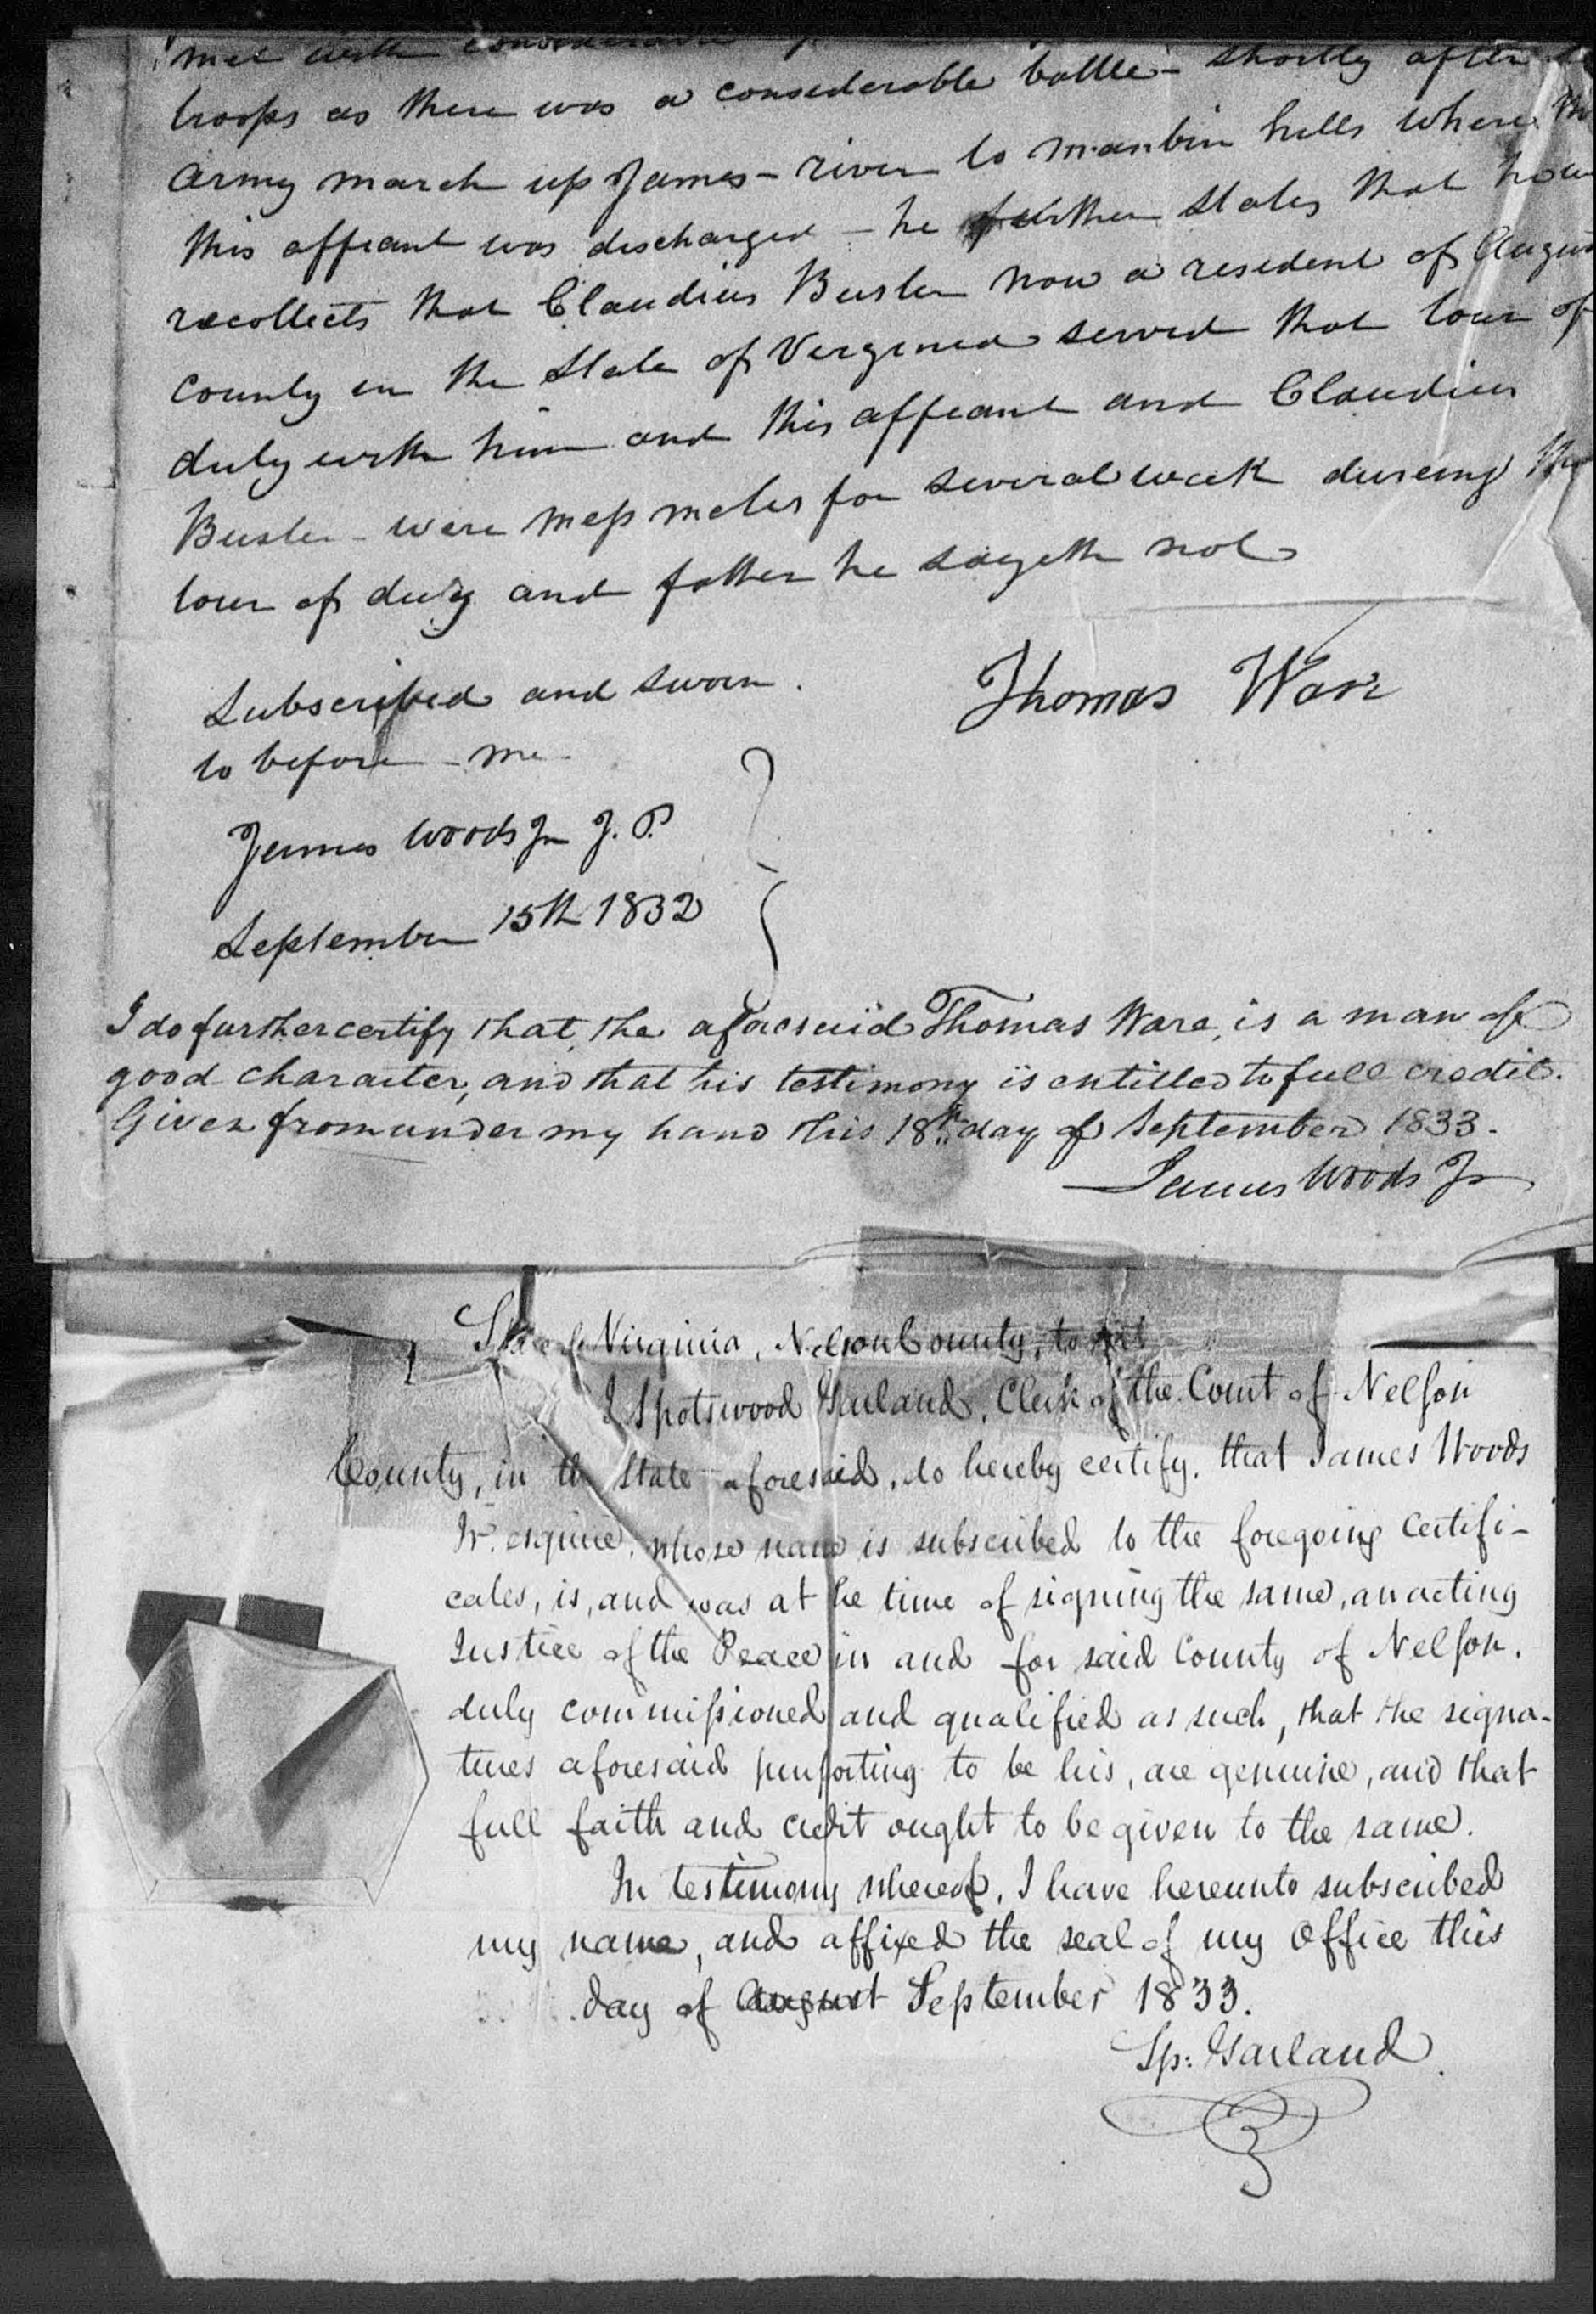met with [page missing or folded at this point] 
troops as there was a considerable battle_ shortly after [page torn] army march(sic) up James-river to marbin hills where this this(sic) affiant was discharged_ he further states that [illegible] recollects that Claudius Buster now a resident of Augusta county in the State of Virginia served that tour of duty with him and this affiant and Claudius Buster were mess mates for several week(sic) during that tour of duty and further sayeth not
Thomas Ware

Subscribed and sworn to before me
James Woods Jr J. P.
September 15th 1832

I do further certify that the aforesaid Thomas Ware is a man of good character, and that his testimony is entitled to full credit.

Given from under my hand this 18th day of September 1833.
James Woods Jr

[the above is a duplicate of part of image 45]

State of Virginia, Nelson County, to wit
I Spotswood Garland, Clerk of the Court of Nelson County, in the State aforesaid, do hereby certify that James Woods Jr. esquire, whose name is subscribed to the foregoing certificates, is, and was at the time of signing the same, an acting Justice of the Peace in and for said County of Nelson, duly commissioned and qualified as such, that the signatures aforesaid purporting to be his, are genuine, and that full faith and credit ought to be given to the same.

In testimony whereof, I have hereunto subscribed my name, and affixed the seal of my office this [illegible] day of [word "August" stricken through] September 1833.
Sp: Garland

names: Sp Garland, Claudius Buster, James Woods, Thomas Ware, James Woods, Claudius Buster, Spotswood Garland, Thomas Ware, James Woods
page: 47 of 71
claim: widow's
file: W. 25310, Claudius Buster, Va.